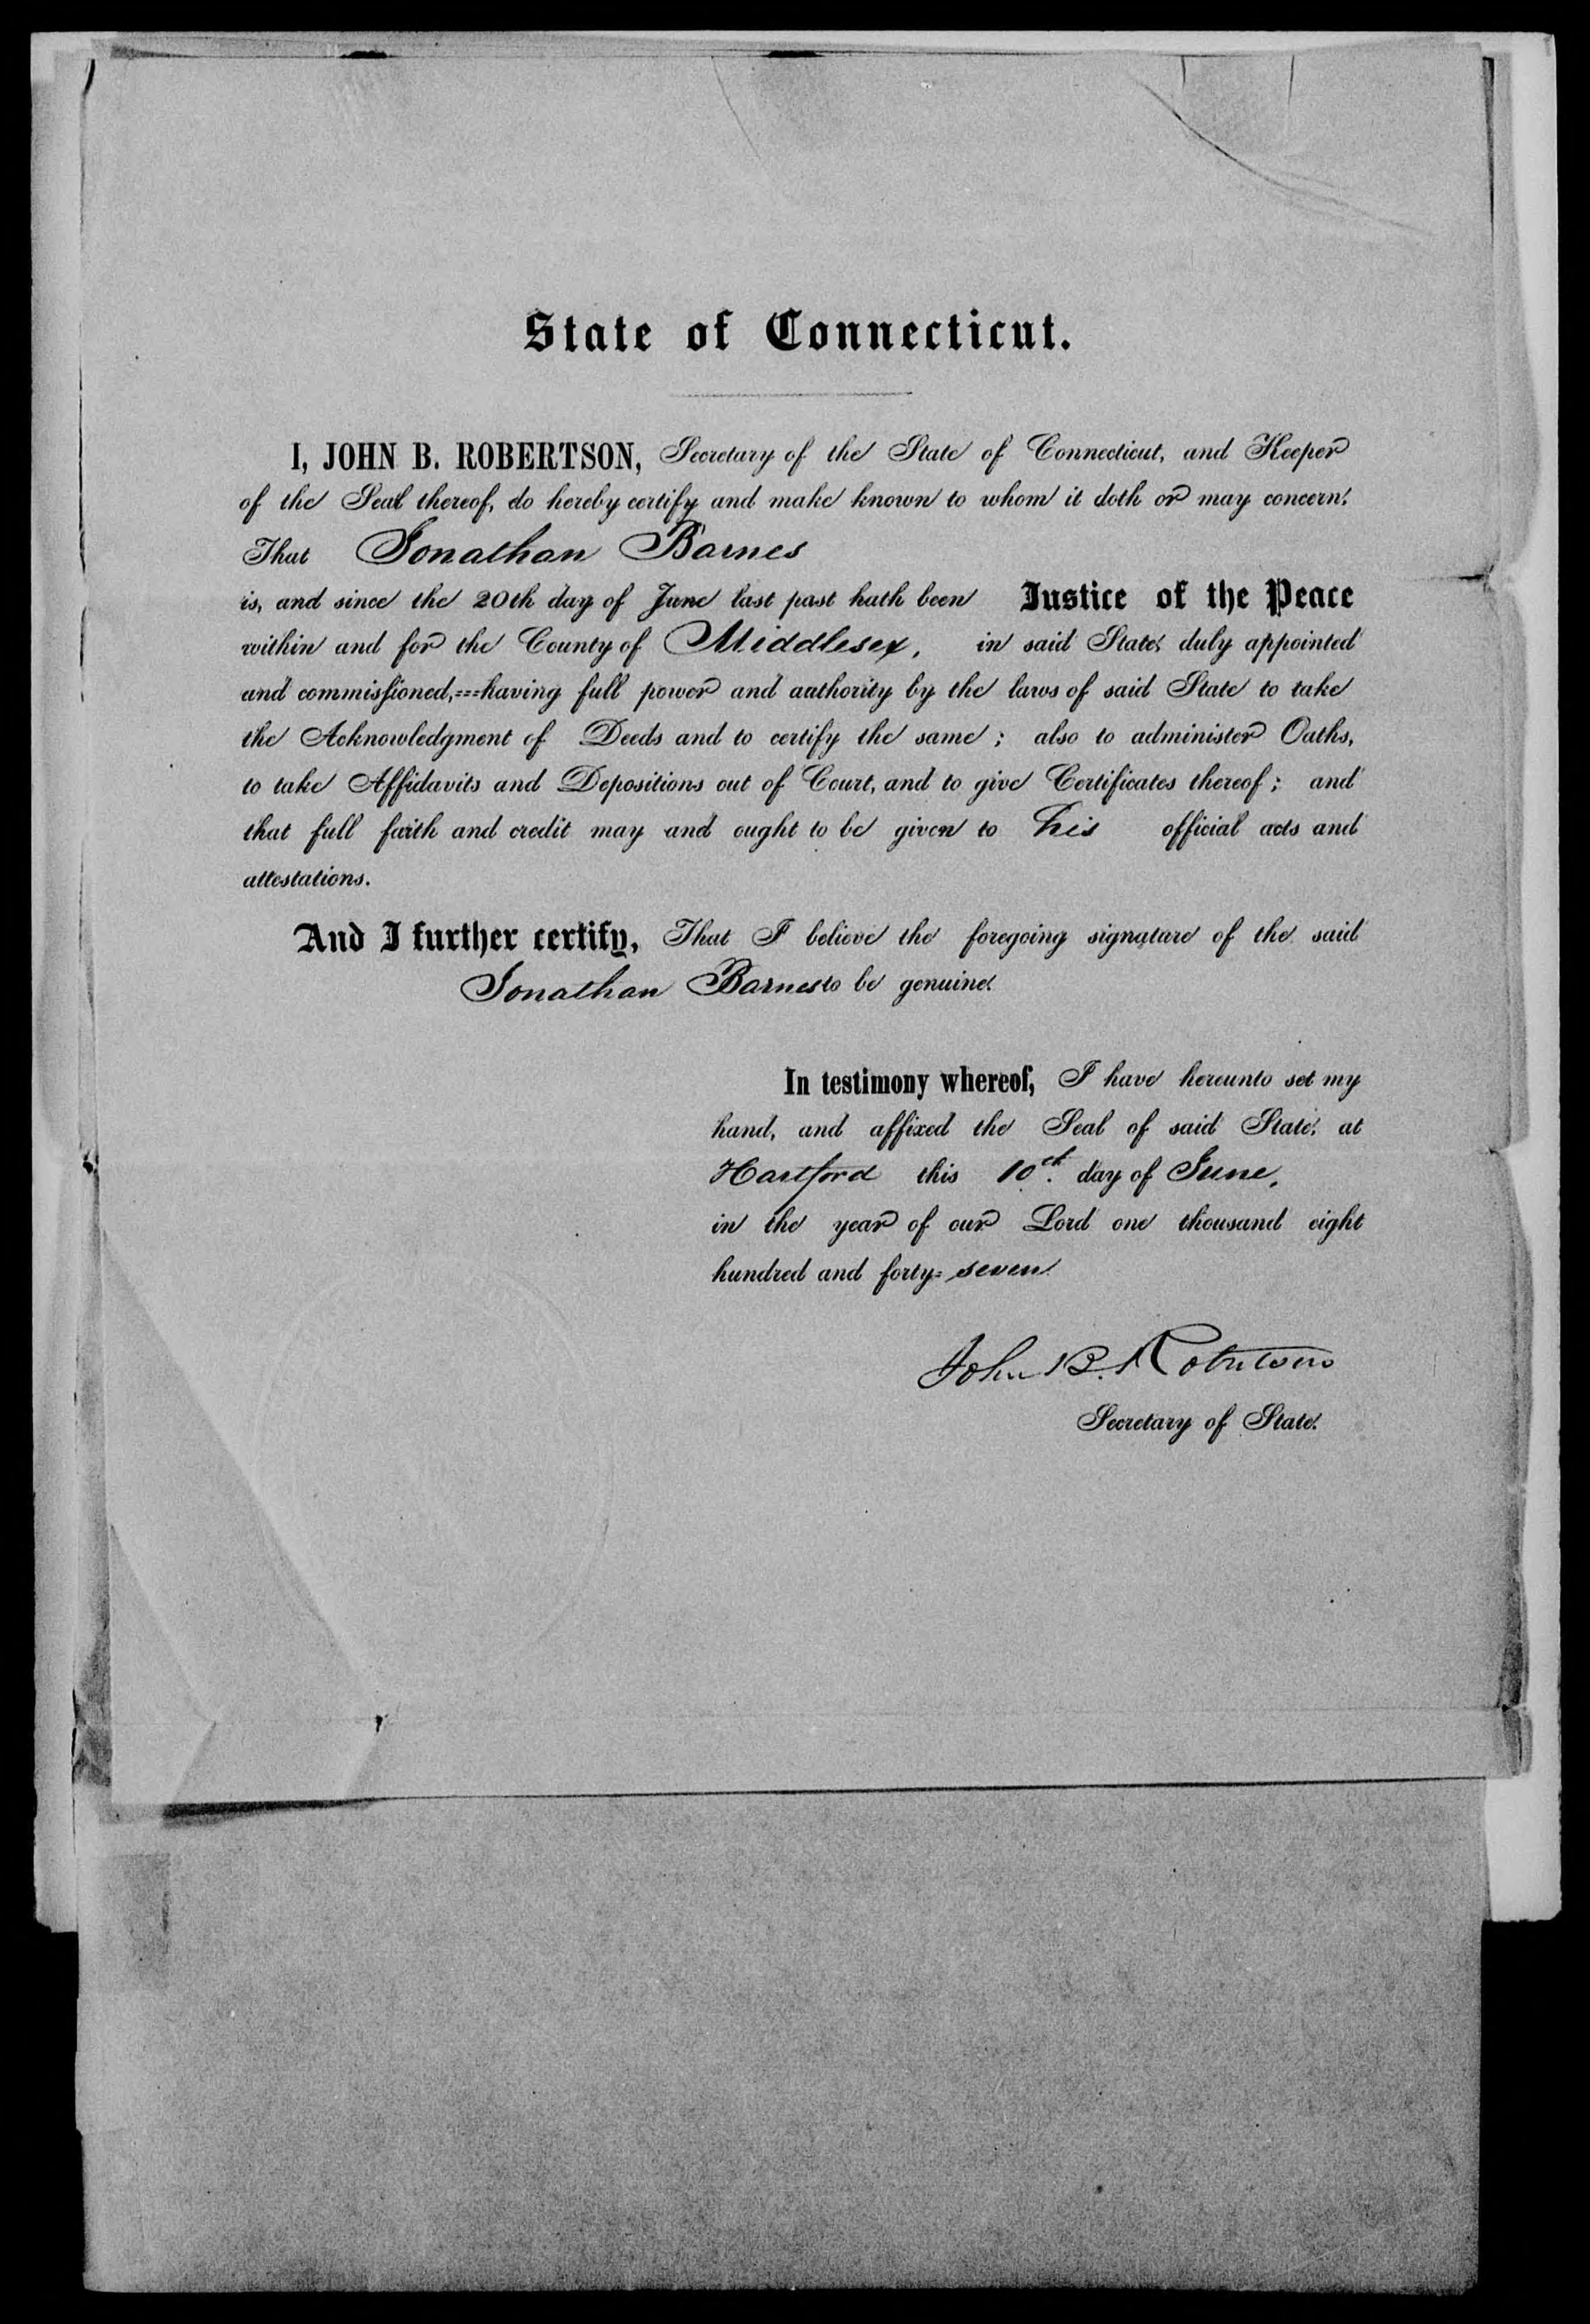State of Connecticut

I, JOHN B. ROBERTSON, Secretary of the State of Connecticut, and Keeper of the Seal thereof do hereby certify and make known to whom it doth or may concern That Jonathan Barnes is and since the 20th day of June last past hath been Justice of the Peace with and for the County of Middlesex,  in said State duly appointed and commissioned,    having full power and authority by the laws of said State to take the Acknowledgment of Deeds and to certify the same; also to administer Oaths, to take Affidavits and Depositions out of Court, and to give Certificates thereof ; and that full faith and credit may and ought to be given to his official acts and attestations.  

And I further certify, That I believe the foregoing signature of the said Jonathan Barnes to be genuine

In testimony whereof, I have hereunto set my hand, and affixed the Seal of said State, at Hartford this 10th day of June, in the year of our Lord one thousand eight hundred and forty seven.

John B. Robertsson'Secretary of State.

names: Jonathan Barnes, John B Robertson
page: 12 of 63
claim: survivor's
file: S. 18457, Elisha Hubbard, Conn. Continental